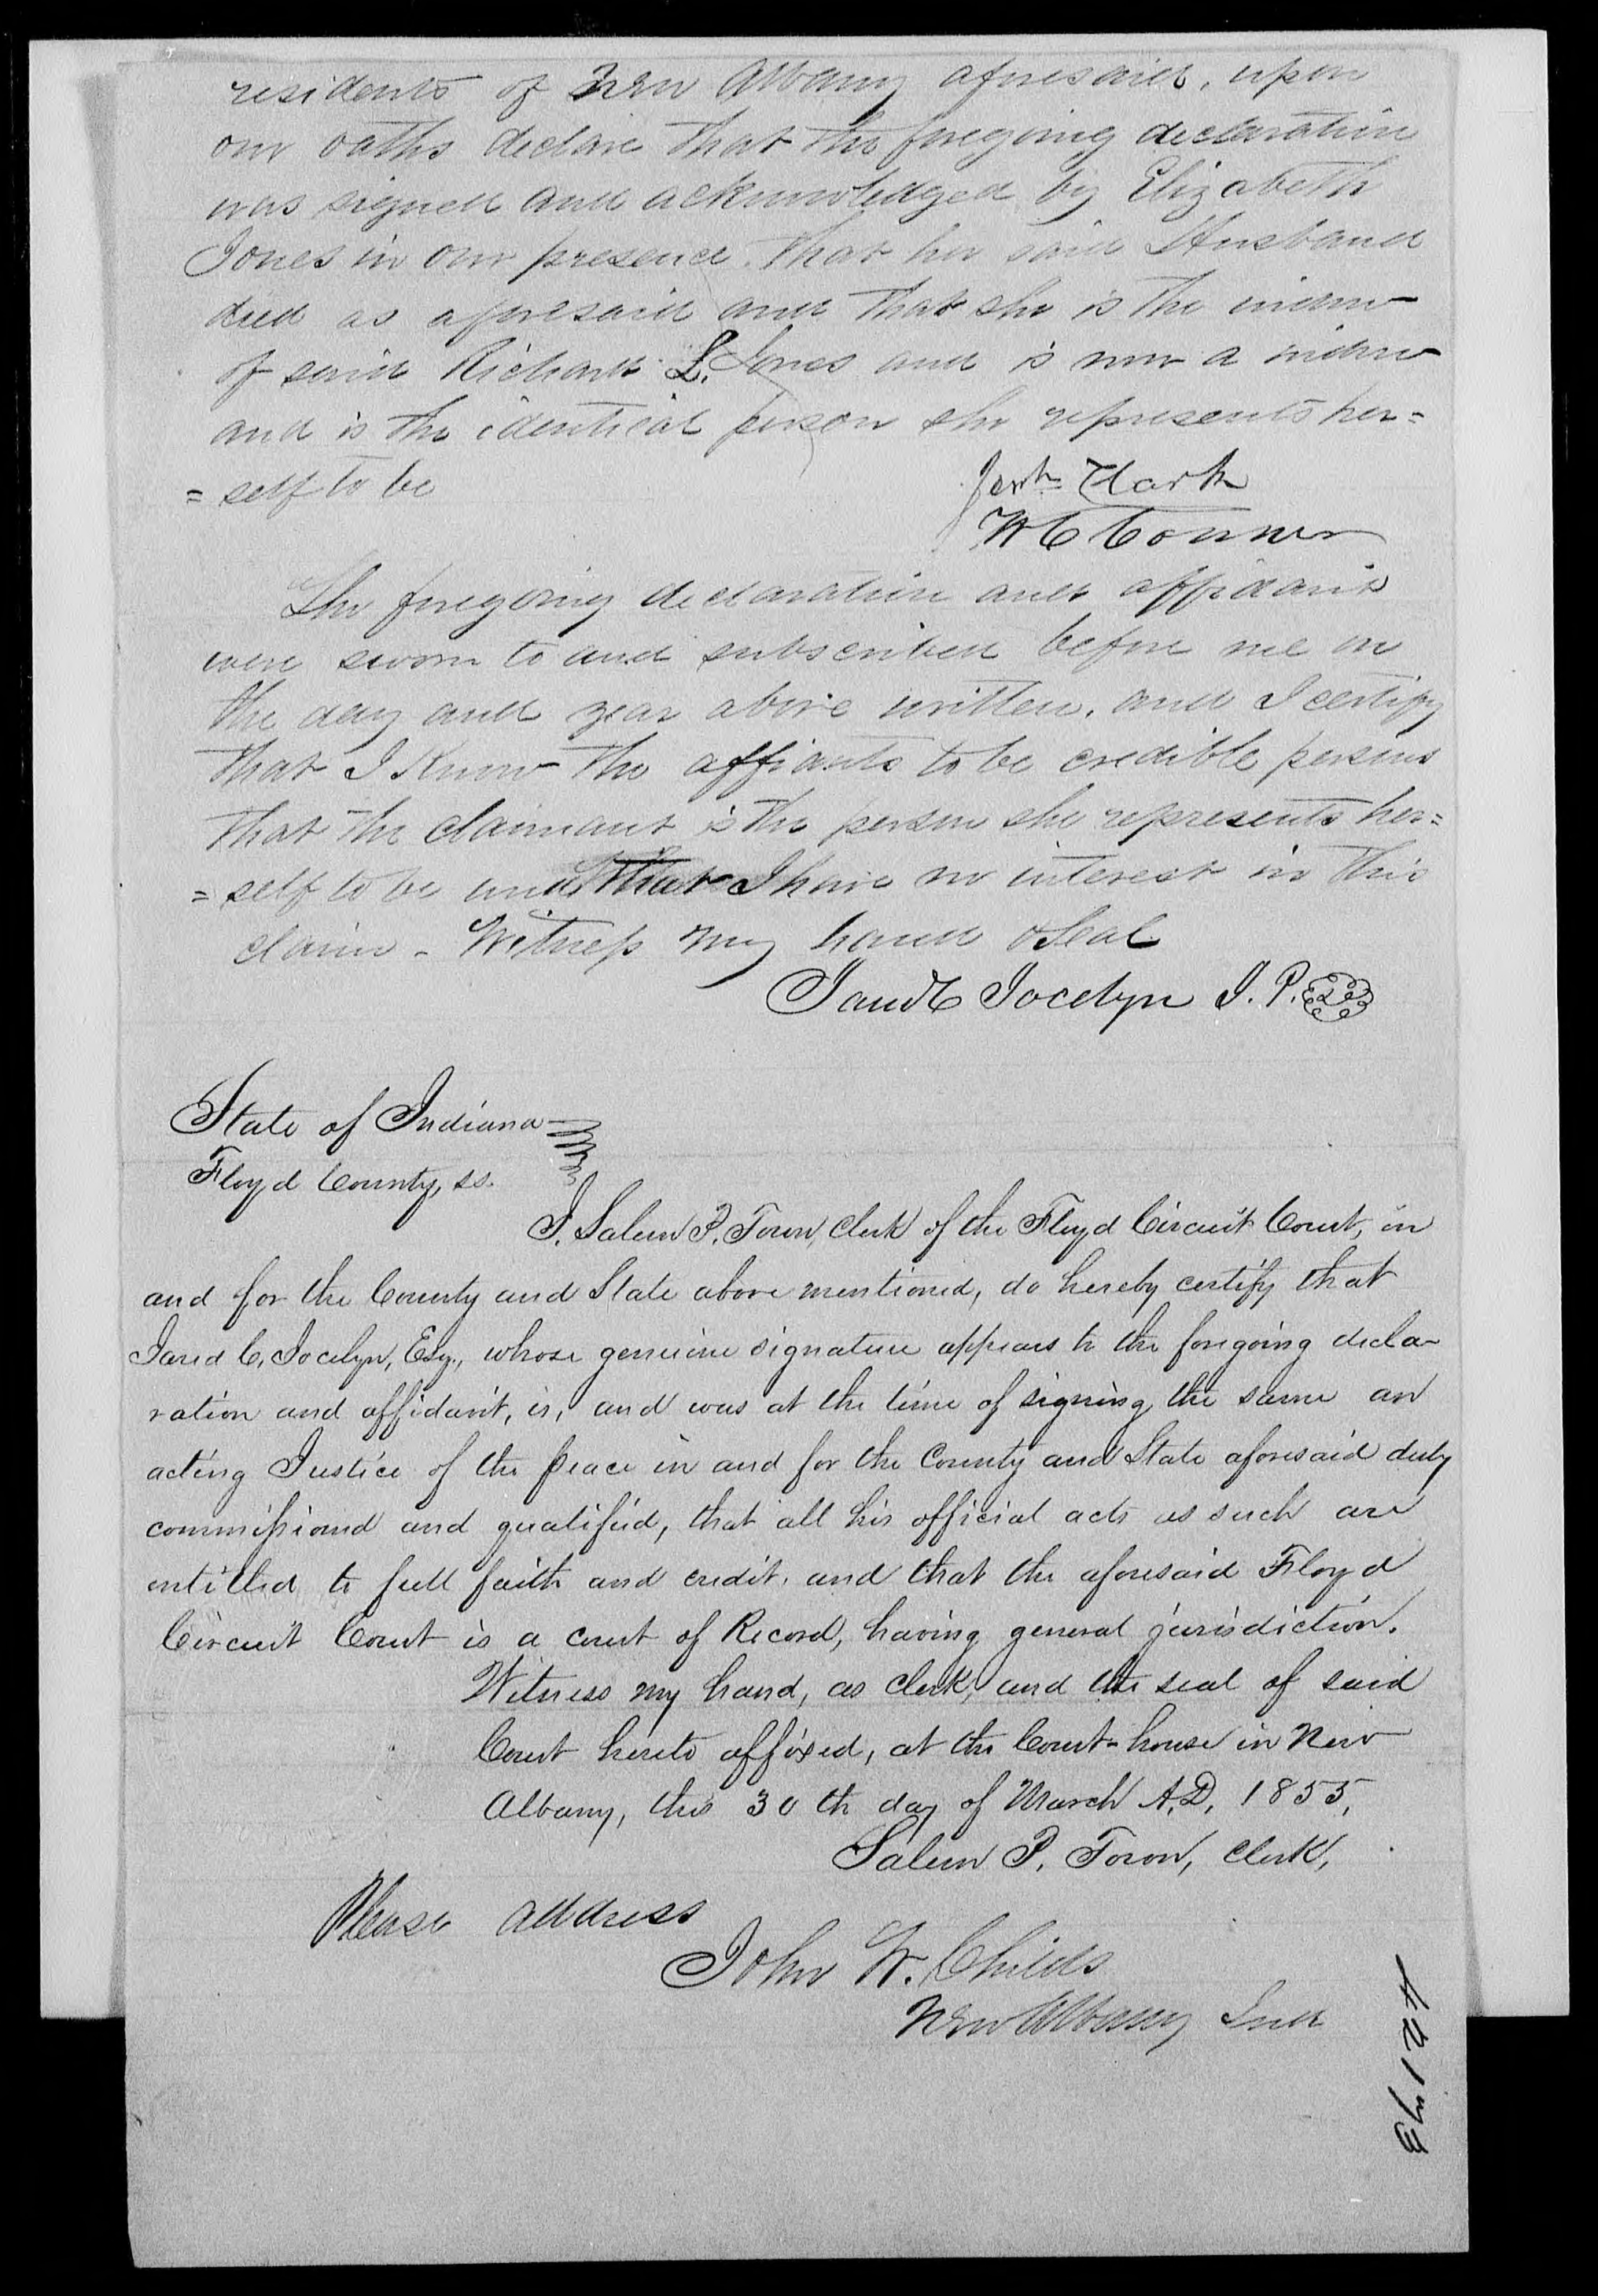residents of New Albany aforesaid, upon
our oaths declare that the foregoing declaration was signed and acknowledged by Elizabeth Jones in our presence that her said Husband decd [deceased] as aforesaid and that she is the widow of said Richard L. Jones and is now a widow and is the identical person she represents herself to be
Jas Clark
W C Conner
The foregoing declaration and affidavits
were sworn to and subscribed before me
the day and year above written, and I certify
that I know the affiants to be credible persons
that the claimant is the person she represents
self to be and that I have no interest in the
claim - Witness my hand & Seal
Jared C Jocelyn J.P. [handwritten seal]
State of Indiana
Floyd County ss

I Salem P. Town Clerk of the Floyd Circuit Court, in and for the County and State above mentioned, do hereby certify that Jared C. Jocelyn, Esq. whose genuine signature appears to the foregoing declaration and affidavit, is, and was at the time of signing the same and
acting Justice of the peace in and for the County and State aforesaid duly commissioned and qualified, that all his official acts as such are entitled to full faith and credit, and that the aforesaid Floyd Circuit Court is a court of Record, having general jurisdiction.
Witness my hand, as Clerk, and the seal of said
Court hereto affixed, at the Court house in New Albany, this 30th day of March A.D. 1853,
Salem P. Town, Clerk,
Please Address
John W. Childs
New Albany
Ind
[Written perpendicular to top] 42173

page: 8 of 62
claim: widow's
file: W. 765, for Richard L Jones, Connecticut